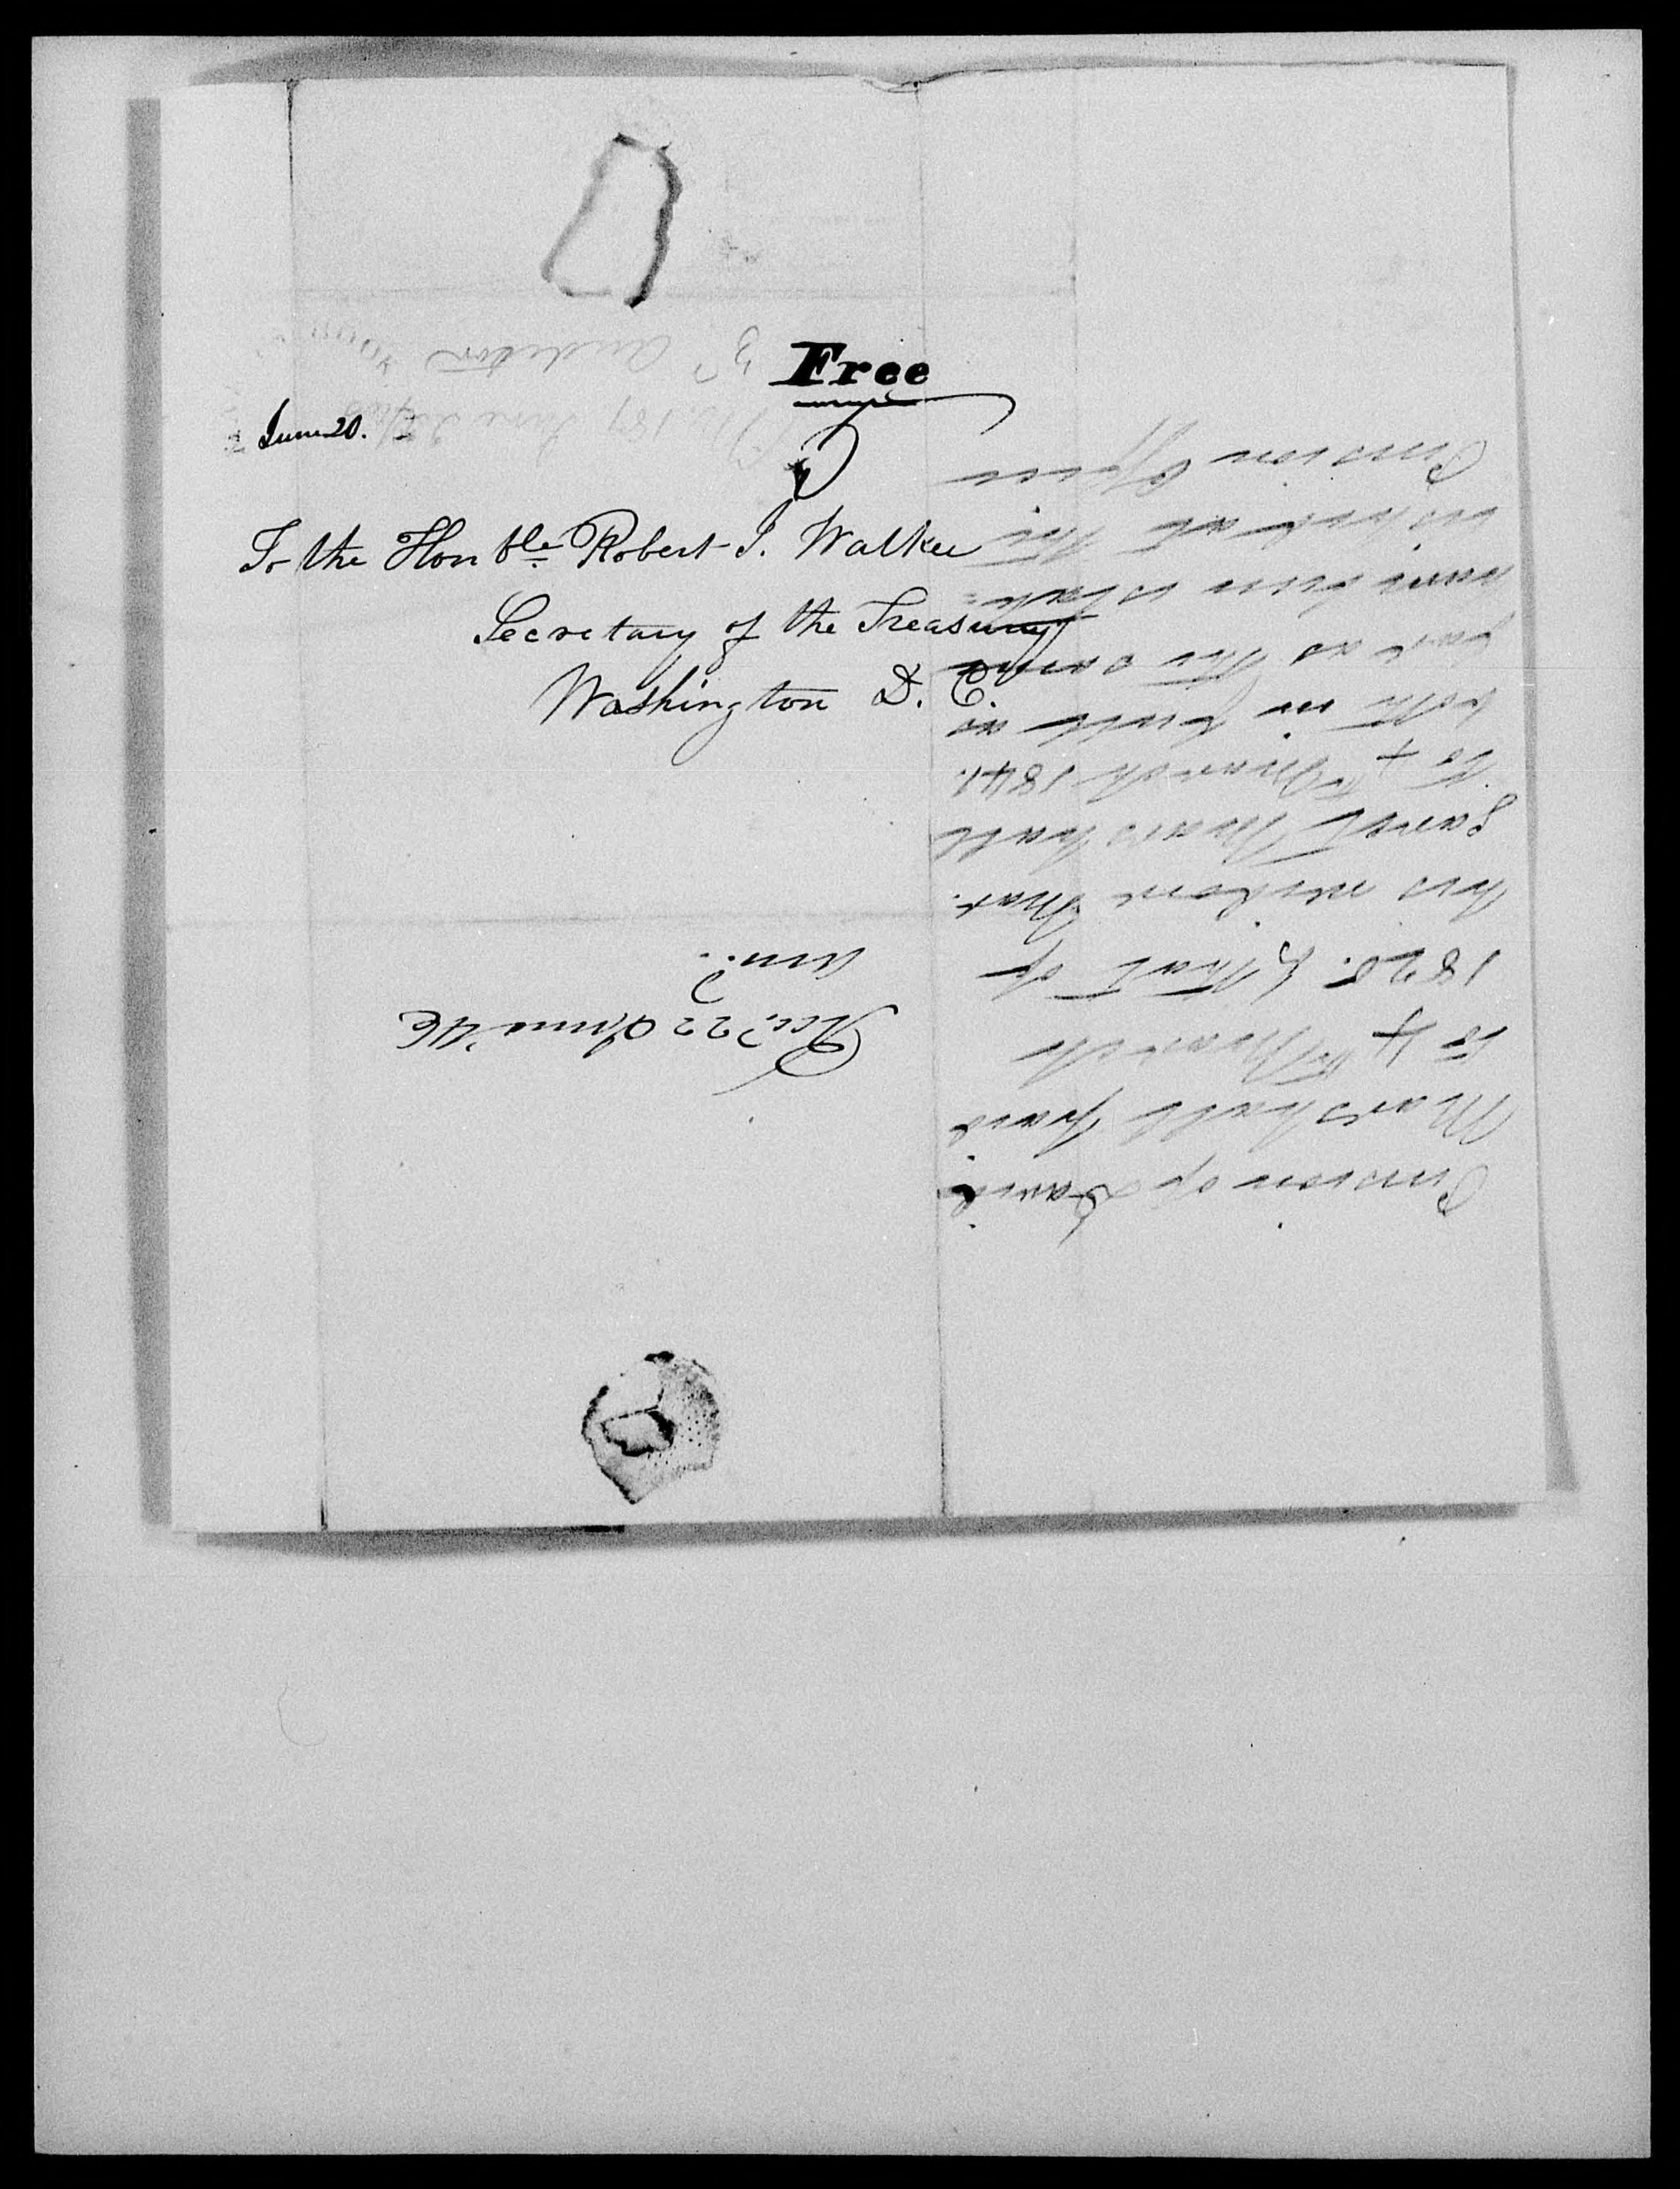Free

June 20

To the Hon ble Robert J. Walker
Secretary of the Treasury
Washington D.C.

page: 81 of 86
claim: widow's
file: W. 3571, for David Marshall, Pennsylvania